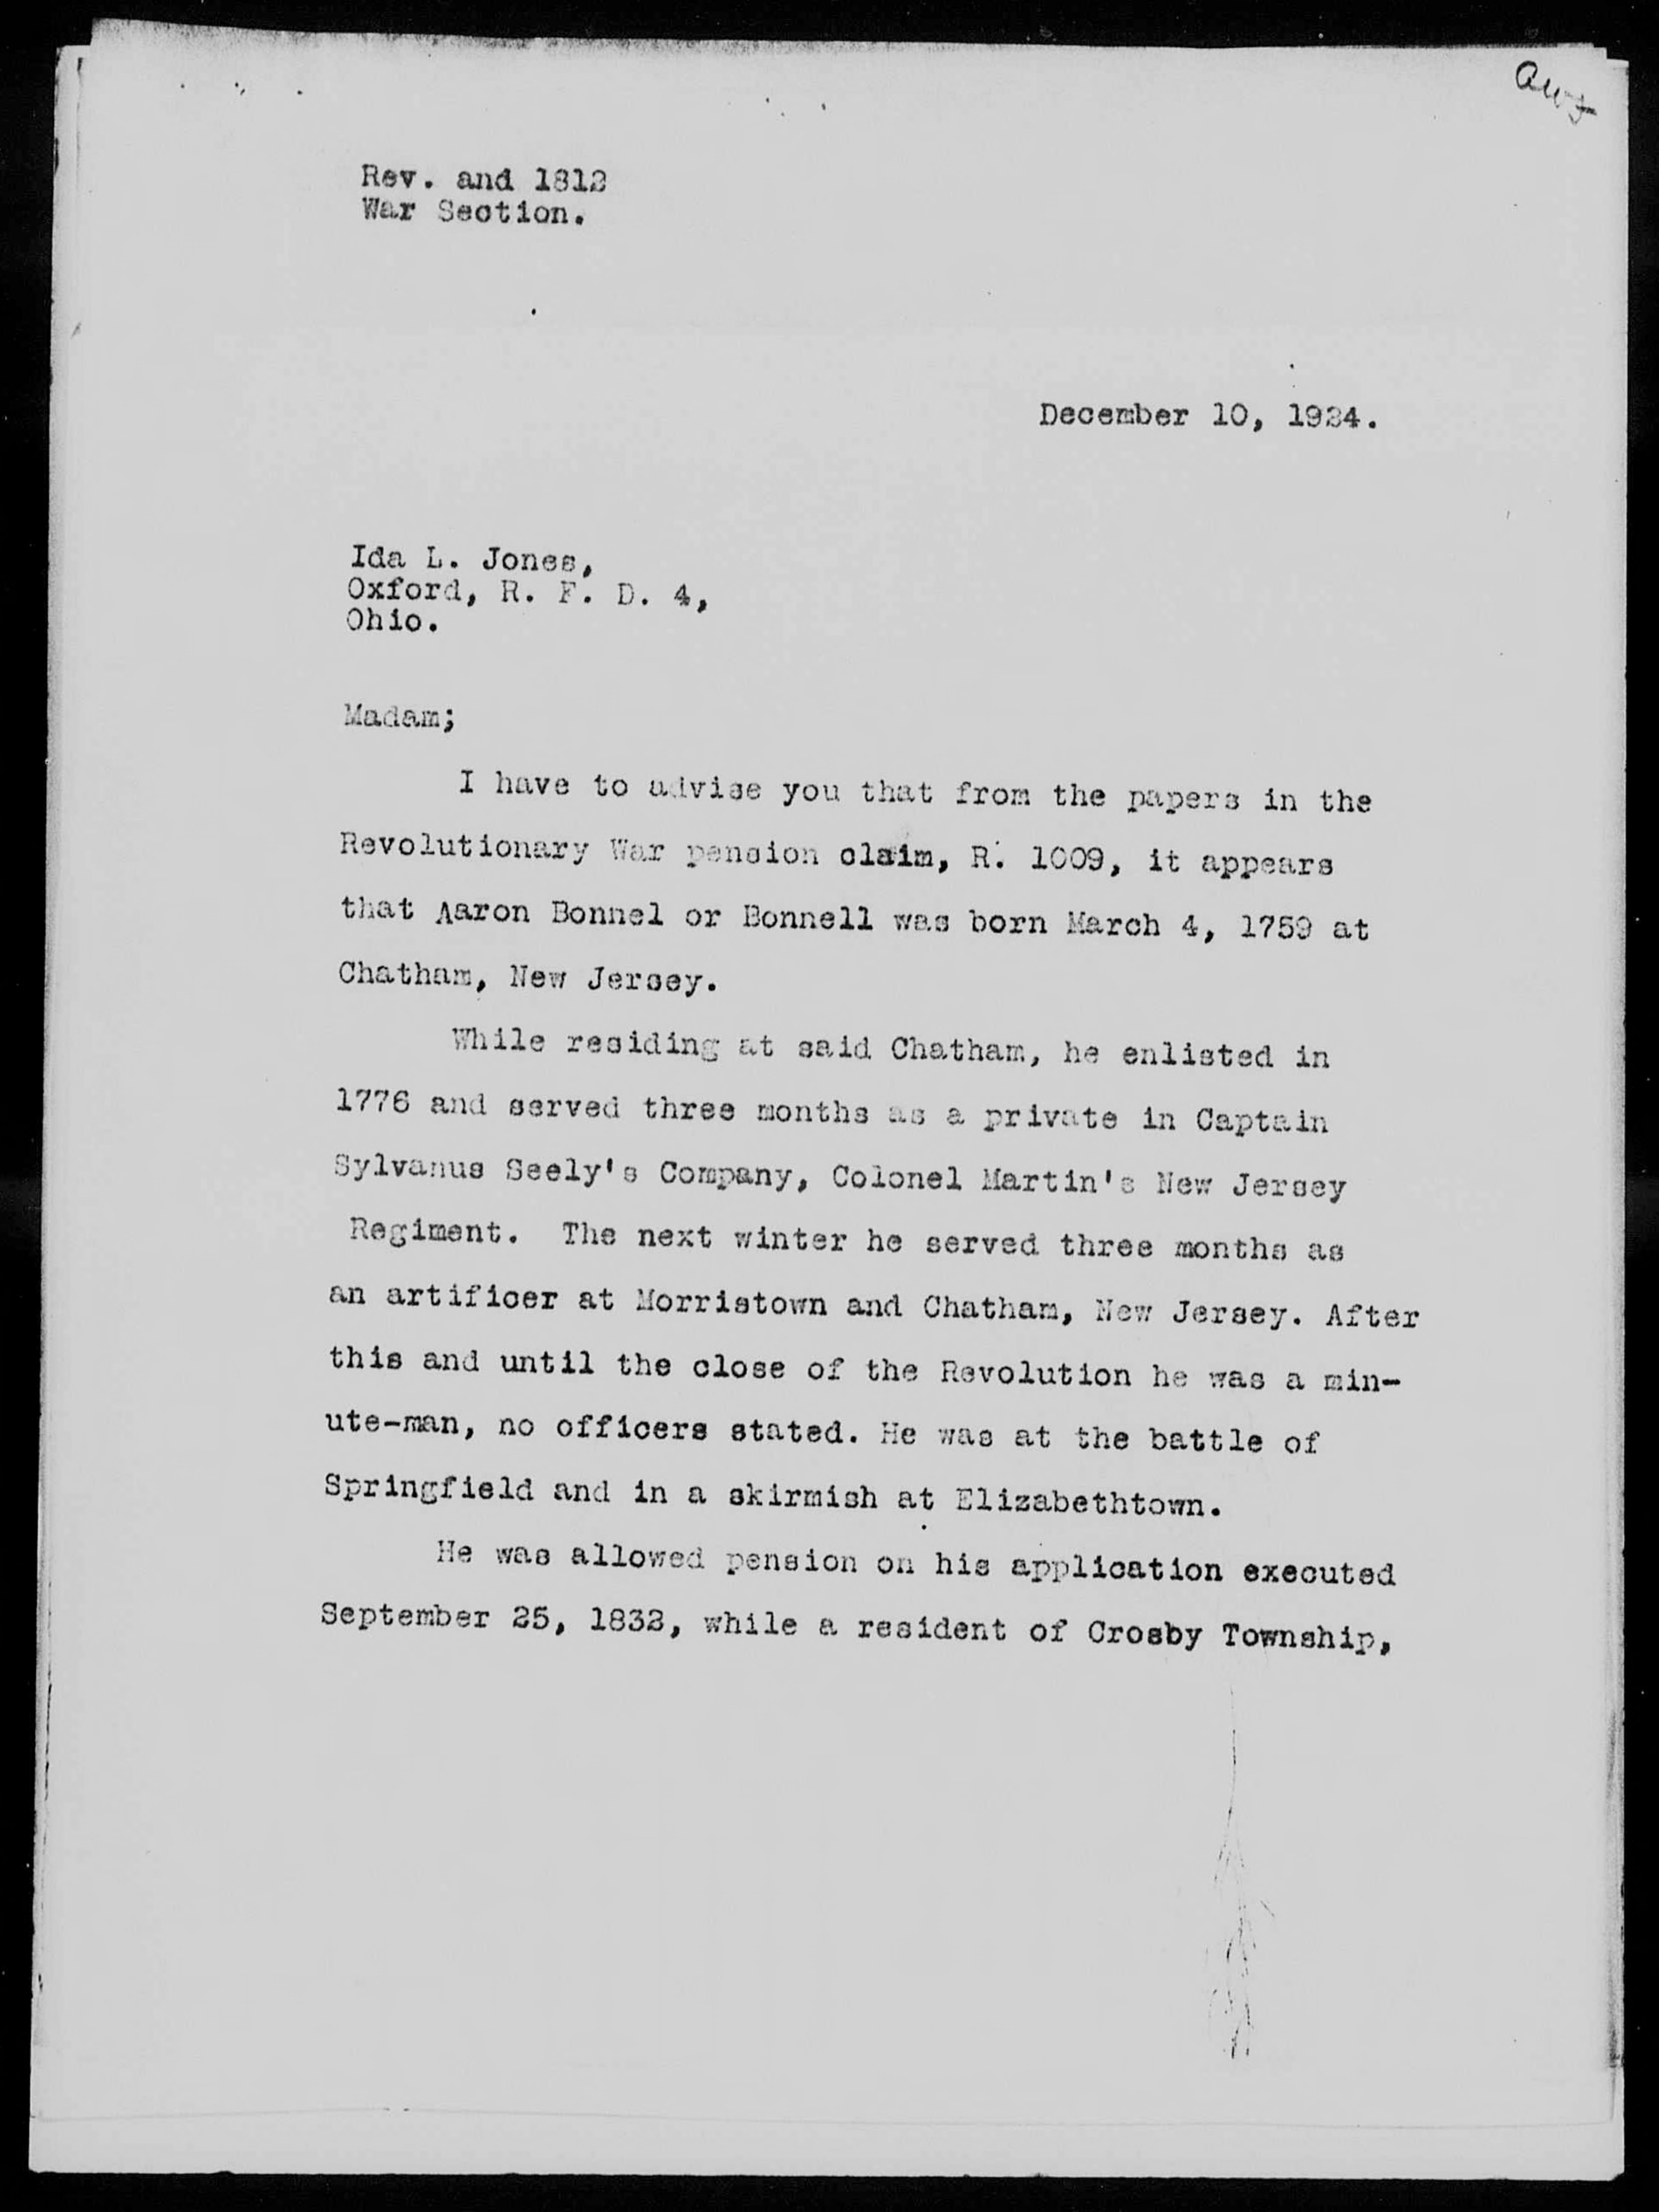Rev. and 1812
War Section.
December 10, 1924
Ida L. Jones
Oxford, R.F.D. 4,
Ohio

Madam;
I have to advise you that from the papers in the Revolutionary War Pension claim, R.1009, it appears that Aaron Bonnel or Bonnell was born March 4, 1759 at Chatham, New Jersey.
While residing at said Chatham, he enlisted in 1776 and served three months as a private in Captain Sylvanus Seely's Company, Colonel Martin's New Jersey Regiment.  The next winter he served three months as an artificer at Morristown and Chathan, New Jersey.  After this and until the close of the Revolution he was a minute-man, no officers stated.  He was at the battle of Springfield and in a skirmish at Elizabethtown.
He was allowed pension on his application executed September 25, 1832, while a resident of Crosby Township,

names: Aaron Bonnell, Aaron Bonnel, Ida L Jones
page: 66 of 67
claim: rejected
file: R. 1009, Aaron Bonnel, New Jersey